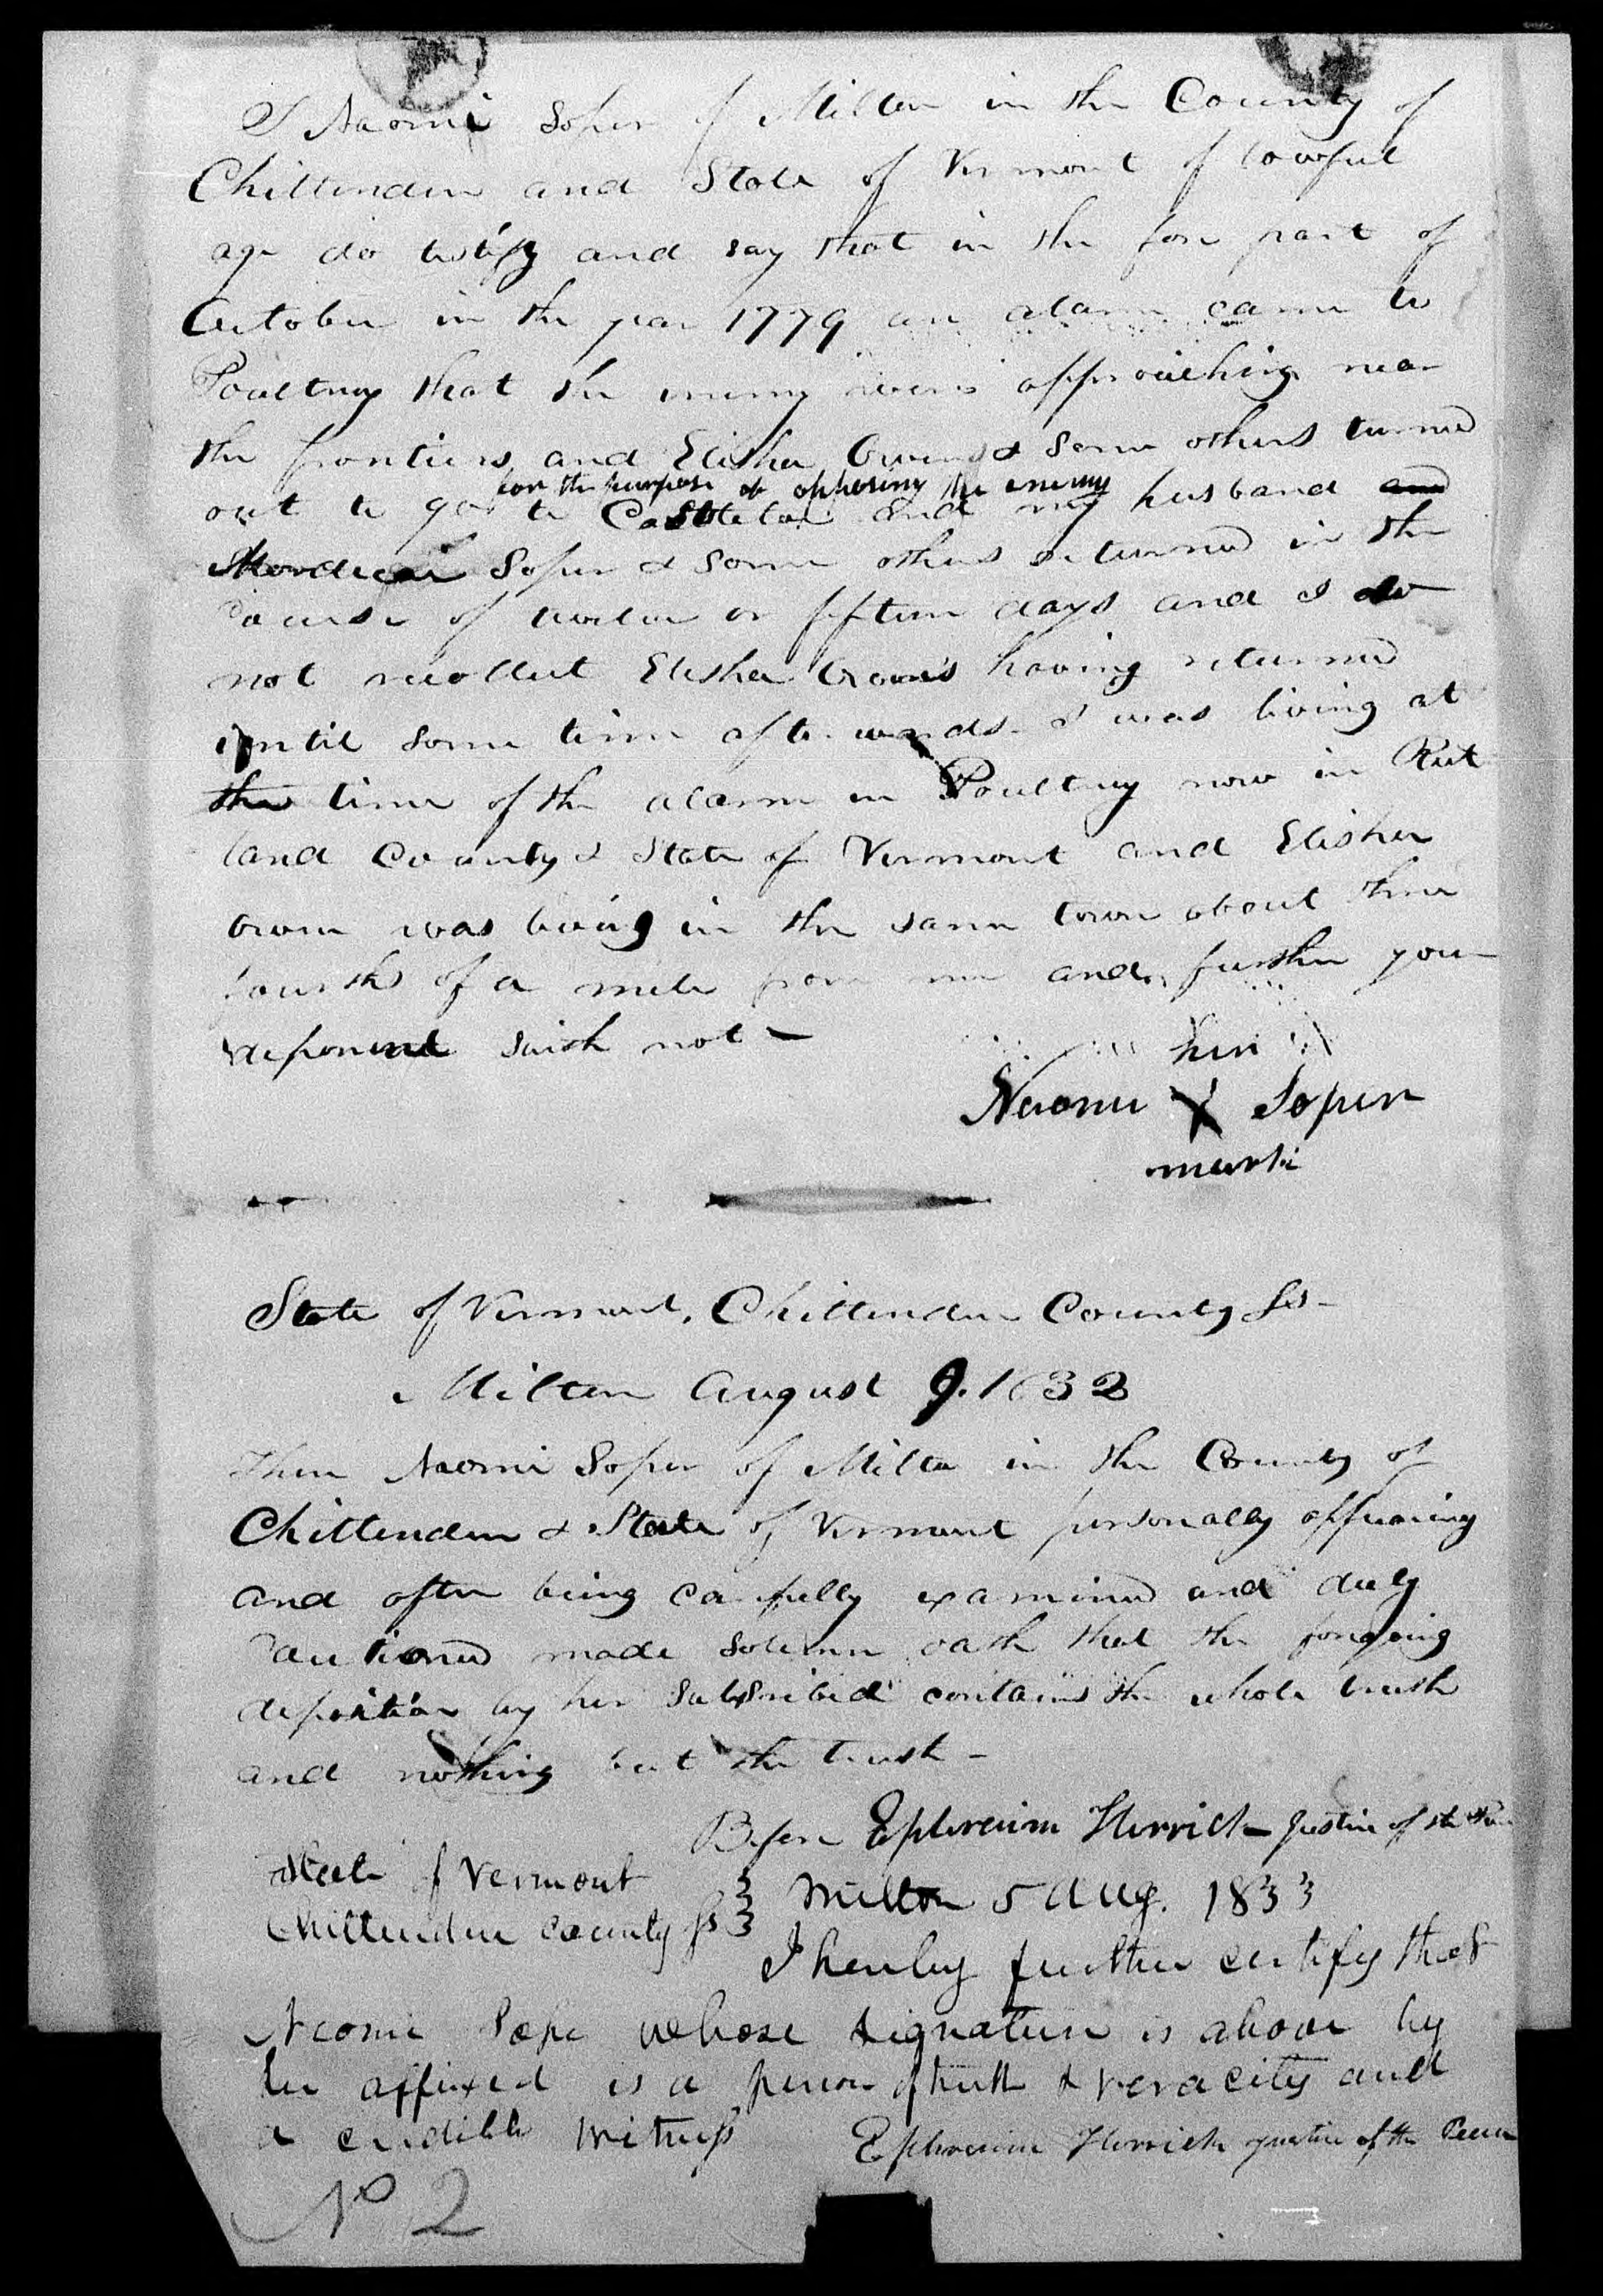I Naomi Soper of Milton in the County of Chittenden and State of Vermont of lawful age do testify and say that in the fore part of October in the year 1779 an alarm came to Poultney that the army was approaching near the frontiers and Elisha Owens and some others turned out to go for the purpose of opposing the enemy to Castleton and my husband Mordecai Soper and some others returned in the course of twelve or fifteen days and I do not recollect Elisha Owens having returned until some time afterwards.  I was living at that time of the alarm in Poultney now in Rutland County, State of Vermont and Elisha Owens was living in the same town about three fourths of a mile from me and further you - [illeg] saith not - Naomi Soper (her Mark X)
State of Vermont Chittenden County
Milton  August 9, 1832
There Naomi Soper of Milton in the County of Chittenden and State of Vermont personally appearing and after being carefully examined and duly cautioned made solemn oath that the foregoing deposition by her subscribed contains the whole truth and nothing but the truth.     Before Ephraim Herrick, Justice of the Peace
State of Vermont Chittenden County
Milton   August 8, 1833
I hereby further certify that Naomi Soper whose signature is above by her affixed is a person of truth & veracity and a credible witness.
Ephraim Herrick, Justice of the Peace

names: Elisha Owens; Ephraim Herrick; Naomi Soper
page: 15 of 23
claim: survivor's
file: S 14072, for Elisha Owen, Vermont